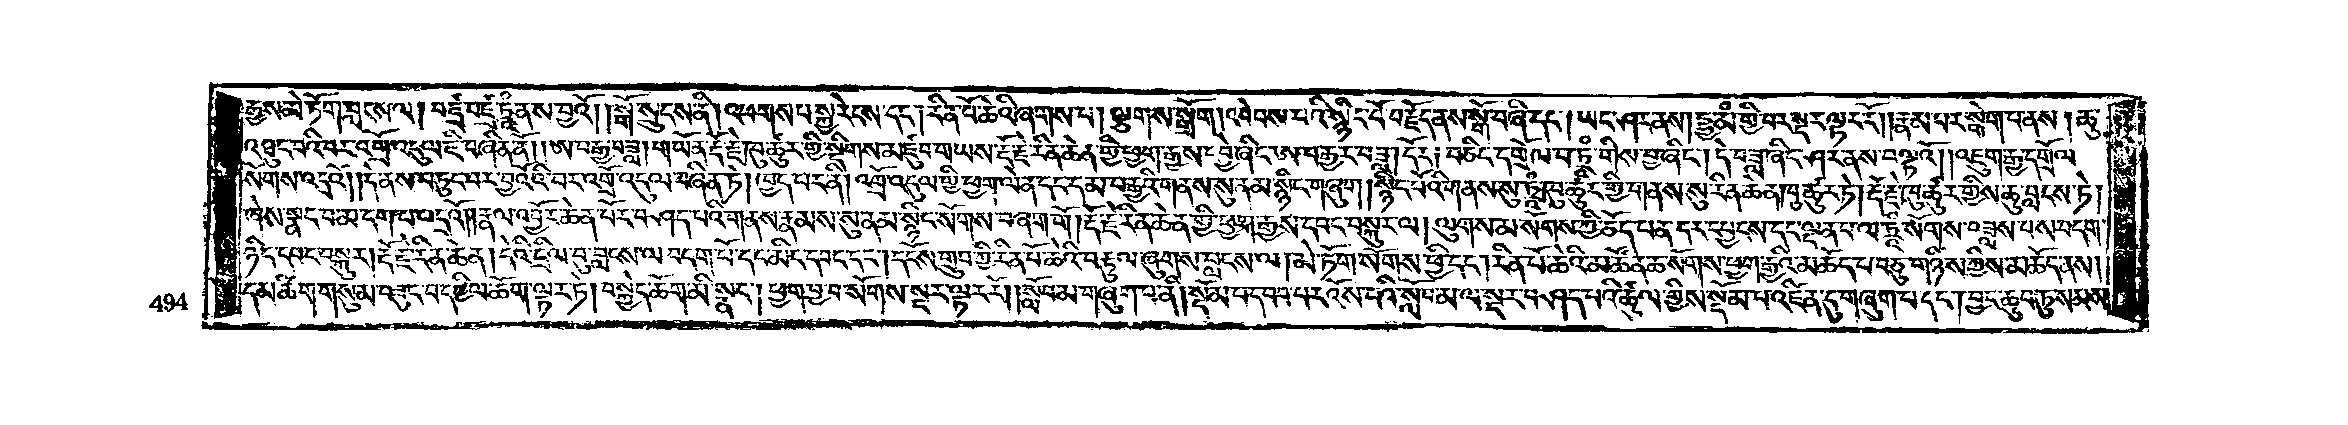རྒྱས་མེ་ཏོག་བླངས་ལ། བཛྲ་བཛྲ་ཏྲཱཾ་ནས་བྱའོ། །སྒོ་སྲུངས་ནི། འཕགས་པ་སྐྱ་རེངས་དང་། རིན་པོ་ཆེའི་ཞགས་པ། ལྕགས་སྒྲོག །འབེབས་པའི་སྙིང་པོ་བརྗོད་ནས་སྒོ་བཞི་དང་། ཡང་ཤར་ནས། དྷྱ་མཾ་གྱི་བར་སྡར་ལྟར་རོ། །རྣམ་པར་སྒེག་པ་ནས། ཆུ་
འཐུང་བའི་བར་འགྲོ་འདུལ་ཇི་བཞིན་ནོ། །ཨ་བརྒྱ་བཟླ། གཡོན་རྡོ་རྗེ་ཁུ་ཚུར་གྱི་སྡིགས་མཛུབ་གཡས་རྡོ་རྗེ་རིན་ཆེན་གྱི་ཕྱག་རྒྱས་དབྱེ་ཞིང་ཨ་བརྒྱར་བཟླ། དོར། བཅིང་དགྲོལ་བ་ཏྲཱཾ་གིས་བྱ་ཞིང་། དེ་བཟླ་ཞིང་ཤར་ནས་བལྟའོ། །འཇུག་རྒྱ་དགྲོལ་
སོགས་འདྲའོ། །དེ་ནས་བཏུང་བར་བྱའོའི་བར་འགྲོ་འདུལ་བཞིན་ཏེ། ཁྱད་པར་ནི། འགྲོ་འདུལ་གྱི་ཕྱག་ལེན་དང་དམ་བརྒྱའི་གནས་སུ་ནམ་སྙིང་གཞུག །སྙིང་པོའི་གནས་སུ་ཏྲཱཾ་ཁུ་ཚུར་གྱི་གནས་སུ་རིན་ཆེན་ཁུ་ཚུར་ཏེ། རྡོ་རྗེ་ཁུ་ཚུར་གྱིས་ཆུ་བླངས་ཏེ།
ཞེས་སྣང་བ་མ་དག་པ་འདྲའོ། །རྣལ་འབྱོར་ཆེན་པོར་བཤད་པའི་གནས་རྣམས་སུ་ནམ་སྙིང་སོགས་བཞག་གོ །རྡོ་རྗེ་རིན་ཆེན་གྱི་ཕྱག་རྒྱས་དབང་བསྐུར་ལ། ལུགས་མ་སོགས་ཀྱི་ཅོད་པན་དར་དཔྱངས་དང་ལྡན་པ་ལ་ཏྲཱཾ་སོགས་བཟླས་པས་བདག་
ཉིད་དབང་བསྐུར། རྡོ་རྗེ་རིན་ཆེན། དེའི་དྲིལ་བུ་བླངས་ལ་བདག་པོ་དང་མིང་དབང་དང་། དངོས་གྲུབ་ཀྱི་རིན་པོ་ཆེའི་བརྟུལ་ཞུགས་བླངས་ལ། མེ་ཏོག་སོགས་ཕྱི་དང་། རིན་པོ་ཆེའི་མཚོན་ཆ་སོགས་ཕྱག་རྒྱའི་མཆོད་པ་བཅུ་གཉིས་ཀྱིས་མཆོད་ནས། །
དམ་ཚིག་གསུམ་བཟུང་བ་དཀྱིལ་ཆོག་ལྟར་ཏེ། བསྐྱེད་ཆོག་མི་སྣང་། ཕྱག་བྱ་བ་སོགས་སྔར་ལྟར་རོ། །སློབ་མ་གཞུག་པ་ནི། སྡོམ་པ་དབབ་པར་འོས་པའི་སློབ་མ་ལ་སྔར་བཤད་པའི་ཚུལ་གྱིས་སྡོམ་པ་འཛིན་དུ་གཞུག་པ་དང་། བྱང་ཆུབ་ཏུ་སེམས་